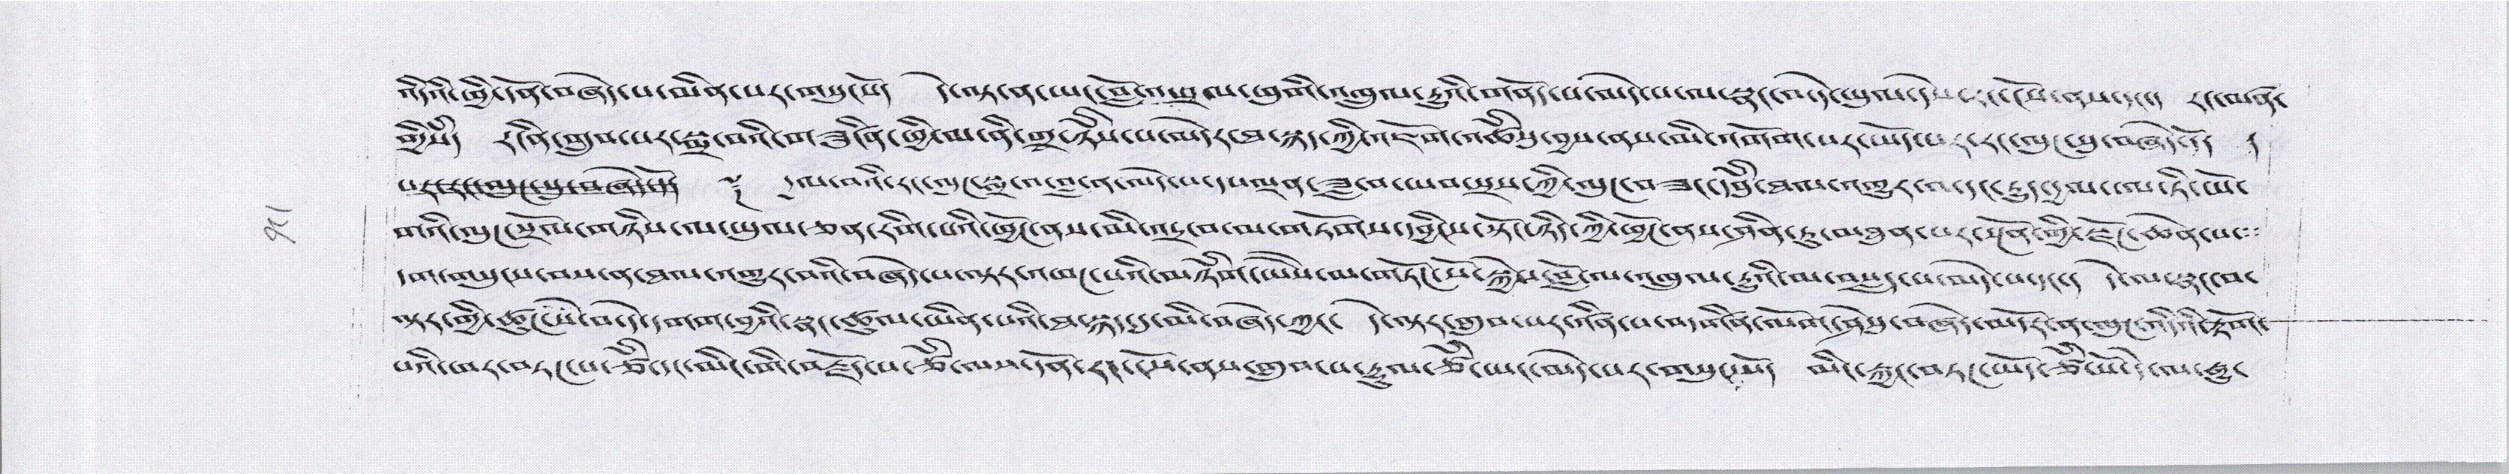འདིས་ཕྱི་དོན་བཞེད་པ་མིན་པར་གསུངས་སོ། དེ་ལྟ་ན་ཡང་བློ་འཕྲལ་ཕུག་གི་འཁྲུལ་རྒྱུའི་གནོད་པ་མེད་པ་ལ་སྣང་བ་དེ་ཡུལ་དེས་རང་ངོས་ནས་དང་རང་མཚན་
གྱིས་སམ། རང་བཞིན་མ་གྲུབ་པར་སྨྲ་བའི་གཟུང་འཛིན་ཕྱི་མ་ནི་གྲྭ་ཉམས་པ་མེད་པར་ཐ་སྙད་ཀྱིས་འཇོག་མཚམས་སུ་བྱས་ནས་མི་འགོག་པར་ཡོད་པར་རང་ལུགས་སུ་བཞེད་དོ།། ༧ 
རྒྱལ་བའི་རང་ལུགས་སྨྲ་བ་བླ་ན་མེད་པ་དཔལ་ལྡན་ཟླ་བ་ཡབ་སྲས་ཀྱི་ལུགས་བཟང་དབུ་མ་ཐལ་འགྱུར་བ་དང་རྒྱུད་རྒྱལ་ཨ་ཏི་ཡོ་
གའི་ལུགས་སྲོལ་གཉིས་ལ་ཡུལ་ཅན་རིག་པའི་ཕྱོགས་ནས་མི་འདྲ་བ་མ་གཏོགས་དབྱིངས་སྟོང་ཉིད་ཀྱི་ཕྱོགས་ནས་ཤིན་ཏུ་མཐུན་པར་སྔོན་གྱི་རྫོགས་ཆེན་པ་
དག་གསུངས་པས་ན་ཐལ་འགྱུར་བའི་བཞེད་པ་ལྟར་འཕགས་པའི་མཉམ་གཞག་ཡེ་ཤེས་མ་གཏོགས་སོ་སྐྱེའི་བློ་ལ་འཁྲུལ་རྒྱུའི་མ་བསླད་པ་མེད་པ་དང་། དེ་ལ་སྣང་བ་
ལྟར་གྱི་ཚུགས་སེ་བ་དེ་དགག་བྱའི་སྣང་ཚུལ་ཡིན་པའི་ཐ་སྙད་དུ་མི་བཞེད་ཀྱང་། དེ་ལྟར་གྲུབ་པར་འཛིན་པ་བདག་འཛིན་ལོག་ཤེས་སུ་བཞེད་མདོར་ན་ལུགས་འདིའི་རྟོག་
པའི་ཕར་བཏགས་པ་ཙམ་མིང་གི་བརྗོད་པ་ཙམ་ལས་དོན་རང་ངོས་ནས་གྲུབ་པ་རྡུལ་ཙམ་ཡང་མེད་པར་གསུངས་སོ། མིང་རྐྱང་བཏགས་ཡོད་ཙམ་པོ་དེ་ལ་རྒྱུ་